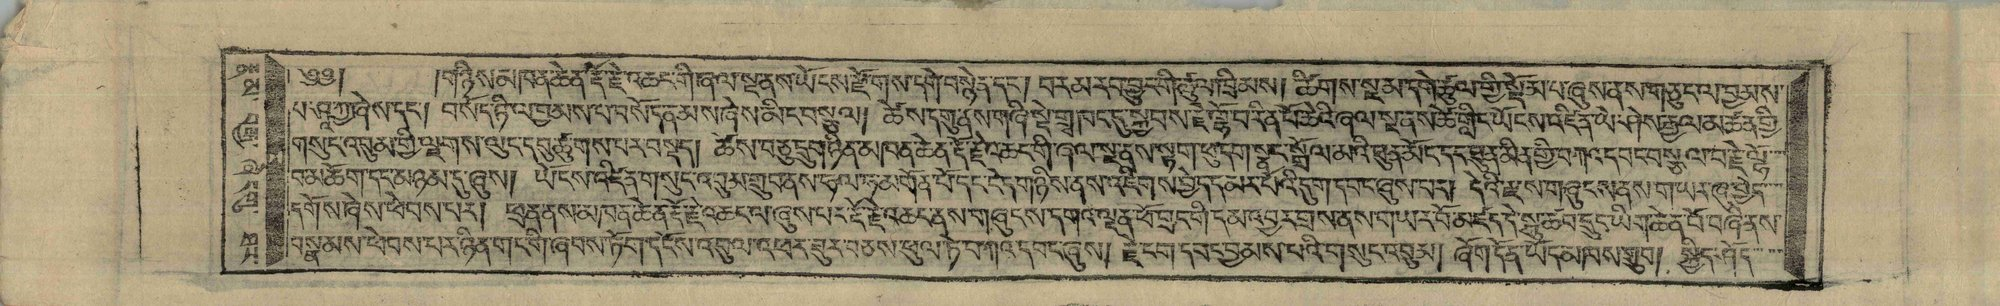༄༅། །གཉིས་མཁན་ཆེན་རྡོ་རྗེ་འཆང་གི་ཞལ་སྔ་ནས་ཡོངས་རྫོགས་དགེ་བསྙེན་དང་། བར་མ་རབ་བྱུང་གི་ཚུལ་ཁྲིམས། ཚིགས་སྔ་མ་དགེ་ཚུལ་གྱི་སྡོམ་པ་ཞུས་ནས་གཅུང་ལ་བྱམས་
པ་ཤཱཀྱ་ཞེས་དང་། བསོད་ཉི་ལ་བྱམས་པ་བསོད་ནམས་ཞེས་མིང་བསྩལ། ཚེས་དགུ་ནས་གཞི་སྡེ་གྲྭ་ཁང་དུ་སྐྱབས་རྗེ་ལྷོ་བ་རིན་པོ་ཆེའི་ཞལ་སྔ་ནས་ཚེ་གླིང་ཡོངས་འཛིན་ཡེ་ཤེས་རྒྱལ་མཚན་གྱི་
གསུང་འབུམ་གྱི་ལྗགས་ལུང་དབུ་ཚུགས་པར་བསྡད། ཚེས་བཅུ་དྲུག་ཉིན་མཁན་ཆེན་རྡོ་རྗེ་འཆང་གི་ཞལ་སྔ་ནས་སྟག་ཕུ་དག་སྣང་སྒྲོལ་མའི་ཐུན་མོང་དང་ཐུན་མིན་གྱི་བཀའ་དབང་བསྩལ་བ་རྗེ་ལྷོ་
བ་མཆོག་དང་མཉམ་དུ་ཞུས། ཡོངས་འཛིན་གསུང་འབུམ་གྲུབ་ནས་ཧལ་ཧ་མགོན་པོ་དང་ངེད་གཉིས་ནས་འཇིགས་བྱེད་དམར་པོའི་དུག་དབང་ཞུས་པར། དེའི་རྫས་གཞུངས་ནས་གཡར་ཞུ་བྱེད་
དགོས་ཞེས་ཕེབས་པར། ཕྲན་ནས་མཁན་ཆེན་རྡོ་རྗེ་འཆང་ལ་ཞུས་པར་རྡོ་རྗེ་འཆང་ནས་གཞུངས་དགའ་ལྡན་ཕོ་བྲང་གི་དམ་འབྱར་གྲས་ནས་གཡར་བོ་མཛད་དེ་སྐུ་ཚབ་དྲུང་ཡིག་ཆེན་པོ་བཞི་ནས་
བསྣམས་ཕེབས་པར་ཉིན་གང་གི་ཞབས་ཏོག་དངོས་འབུལ་འཕར་ཟུར་བཅས་ཕུལ་ཏེ་བཀའ་དབང་ཞུས། རྗེ་ངག་དབང་བྱམས་པའི་གསུང་འབུམ། ཞོག་དོན་ཡོད་མཁས་གྲུབ། སྐྱིད་ཤོད་